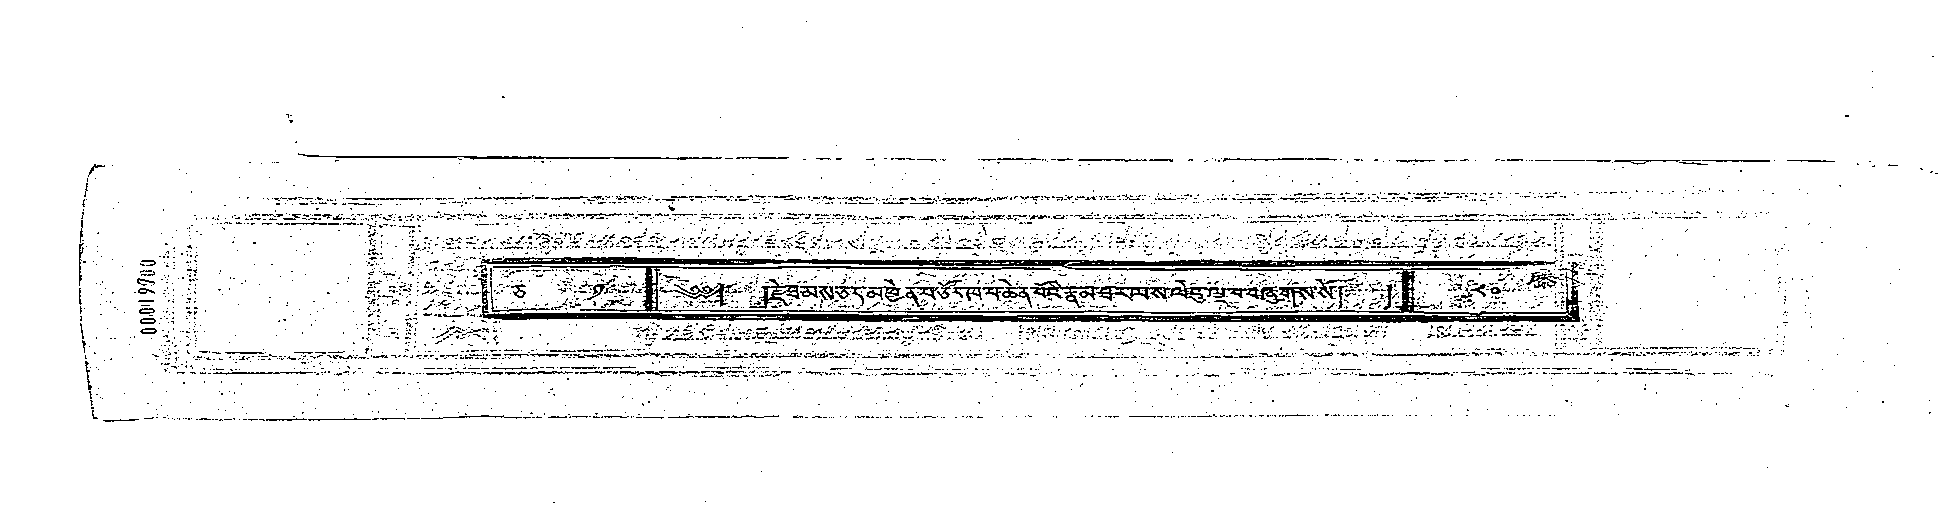ཁ྄
༄༅། །རྗེ་ཐམས་ཅད་མཁྱེན་བཙོང་ཁ་པ་ཆེན་པོའི་རྣམ་ཐར་ལས་ལེའུ་ལྔ་པ་བཞུགས་སོ། །